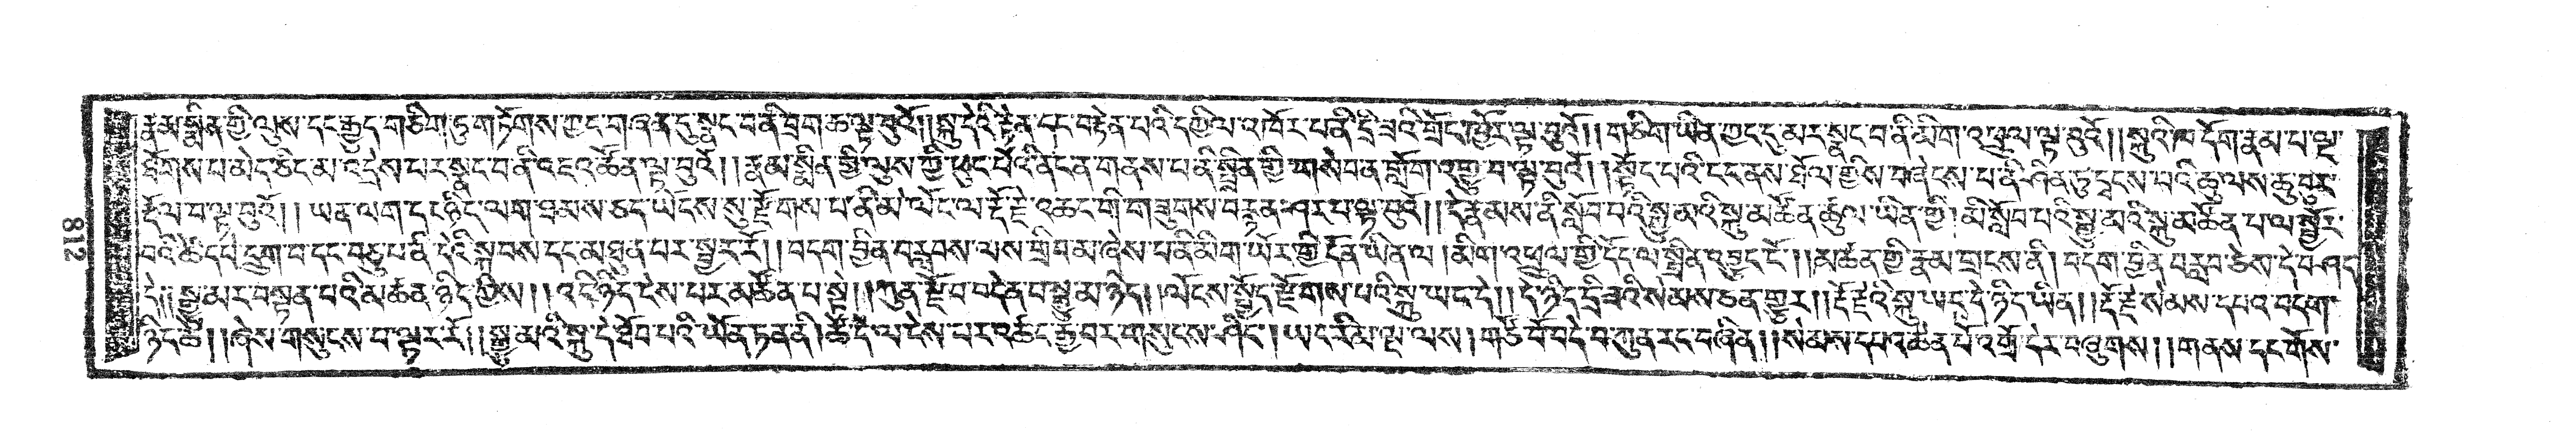རྣམ་སྨིན་གྱི་ལུས་དང་རྒྱུད་གཅིག་ཏུ་གཏོགས་ཀྱང་གཞན་དུ་སྣང་བ་ནི་བྲག་ཆ་ལྟ་བུའོ། །སྐུ་དེའི་རྟེན་དང་བརྟེན་པའི་དཀྱིལ་འཁོར་པ་ནི་དྲི་ཟའི་གྲོང་ཁྱེར་ལྟ་བུའོ། །གཅིག་ཡིན་ཀྱང་དུ་མར་སྣང་བ་ནི་མིག་འཕྲུལ་ལྟ་བུའོ། །སྐུའི་ཁ་དོག་རྣམ་པ་ལྔ་
ཐོགས་པ་མེད་ཅིང་མ་འདྲེས་པར་སྣང་བ་ནི་འཇའ་ཚོན་ལྟ་བུའོ། །རྣམ་སྨིན་གྱི་ལུས་ཀྱི་ཕུང་པོའི་ནང་ན་གནས་པ་ནི་སྤྲིན་གྱི་གསེབ་ན་གློག་འགྱུ་བ་ལྟ་བུའོ། །སྟོང་པའི་ངང་ནས་ཐོལ་གྱིས་བཞེངས་པ་ནི་ཤིན་ཏུ་དྭངས་པའི་ཆུ་ལས་ཆུ་བུར་
རྡོལ་བ་ལྟ་བུའོ། །ཡན་ལག་དང་ཉིང་ལག་ཐམས་ཅད་ཡོངས་སུ་རྫོགས་པ་ནི་མེ་ལོང་ལ་རྡོ་རྗེ་འཆང་གི་གཟུགས་བརྙན་ཤར་པ་ལྟ་བུའོ། །དེ་རྣམས་ནི་སློབ་པའི་སྒྱུ་མའི་སྐུ་མཚོན་ཚུལ་ཡིན་གྱི། མི་སློབ་པའི་སྒྱུ་མའི་སྐུ་མཚོན་པ་ལ་སྦྱོར་
བའི་ཚེ་དཔེ་དྲུག་པ་དང་བཅུ་པ་ནི་དེའི་སྐབས་དང་མཐུན་པར་སྦྱར་རོ། །བདག་བྱིན་བརླབས་ལས་གྲིབ་མ་ཞེས་པ་ནི་མིག་ཡོར་གྱི་དོན་ཡིན་ལ། མིག་འཕྲུལ་གྱི་དོད་ལ་སྤྲིན་འབྱུང་ངོ། །མཚན་གྱི་རྣམ་གྲངས་ནི། བདག་བྱིན་བརླབ་ཅེས་དེ་བཤད་
དེ། །སྒྱུ་མར་བསྟན་པའི་མཚན་ཉིད་ཀྱིས། །འདི་ཉིད་ངེས་པར་མཚོན་པ་སྟེ། །ཀུན་རྫོབ་བདེན་པ་སྒྱུ་མ་ཉིད། །ལོངས་སྤྱོད་རྫོགས་པའི་སྐུ་ཡང་དེ། །དེ་ཉིད་དྲི་ཟའི་སེམས་ཅན་གྱུར། །རྡོ་རྗེའི་སྐུ་ཡང་དེ་ཉིད་ཡིན། །རྡོ་རྗེ་སེམས་དཔའ་བདག་
ཉེད་ཚེ། །ཞེས་གསུངས་པ་ལྟར་རོ། །སྒྱུ་མའི་སྐུ་དེ་ཐོབ་པའི་ཡོན་ཏན་ནི། ཚེ་དེ་ལ་ངེས་པར་འཚང་རྒྱ་བར་གསུངས་ཤིང་། ཡང་རིམ་ལྔ་ལས། གཙོ་བོ་བདེ་བ་ཀུན་རང་བཞིན། །སེམས་དཔའ་ཆེན་པོ་འགྲོ་དེར་བཞུགས། །གནས་དང་གོས་